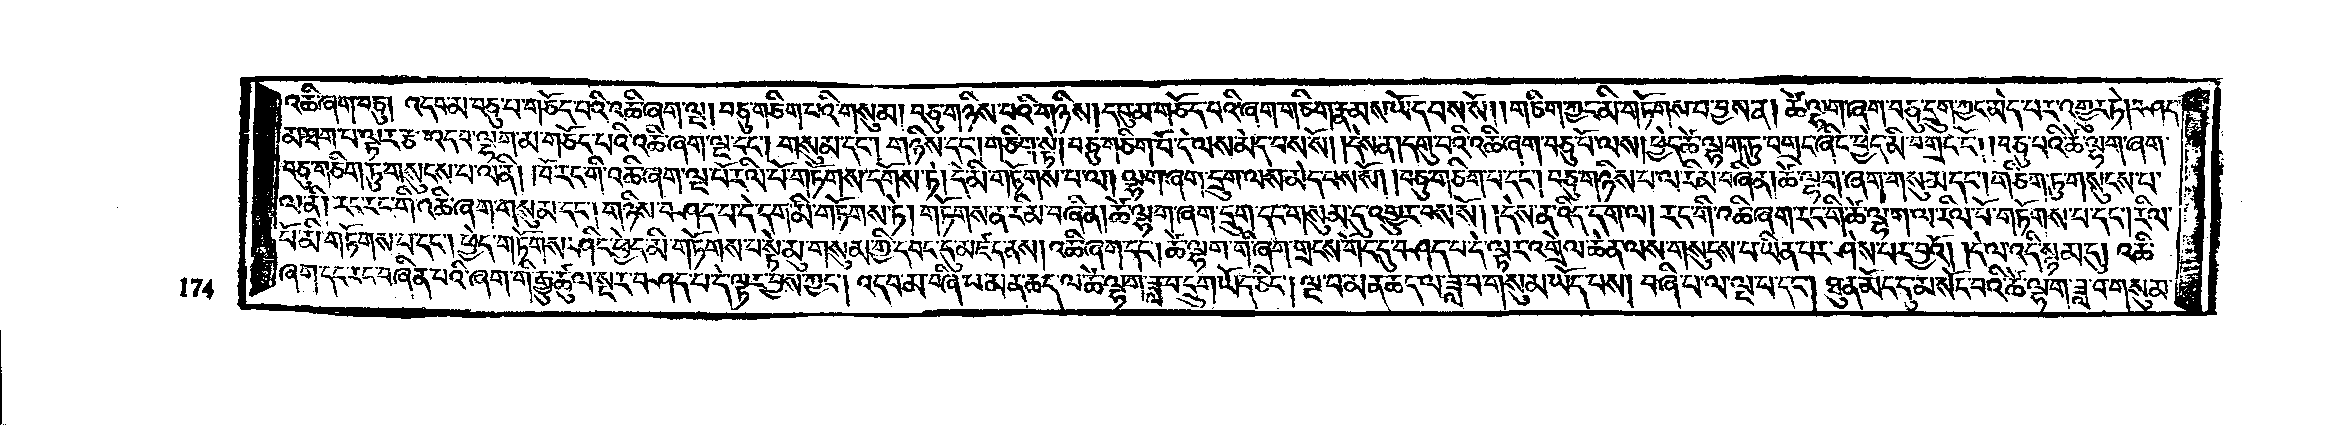འཆི་ཞག་བཅུ། འདབ་མ་བཅུ་པ་གཅོད་པའི་འཆི་ཞག་ལྔ། བཅུ་གཅིག་པའི་གསུམ། བཅུ་གཉིས་པའི་གཉིས། དབུ་མ་གཅོད་པའི་ཞག་གཅིག་རྣམས་ཡོད་པས་སོ། །གཅིག་ཀྱང་མི་གཏོགས་པ་བྱས་ན། ཚེ་ལྷག་ཞག་བཅུ་དྲུག་ཀྱང་མེད་པར་འགྱུར་ཏེ། བཤད་
མ་ཐག་པ་ལྟར་རྩ་འདབ་ལྷག་མ་གཅོད་པའི་འཆི་ཞག་ལྔ་དང་། གསུམ་དང་། གཉིས་དང་། གཅིག་སྟེ། བཅུ་གཅིག་པོ་དེ་ལས་མེད་པས་སོ། །དེས་ན། དགུ་པའི་འཆི་ཞག་བཅུ་པོ་ལས། ཕྱེད་ཚེ་ལྷག་ཏུ་བགྲང་ཞིང་ཕྱེད་མི་བགྲང་ངོ། །བཅུ་པའི་ཚེ་ལྷག་ཞག་
བཅུ་གཅིག་ཏུ་གསུངས་པ་ལ་ནི། ཁོ་རང་གི་འཆི་ཞག་ལྔ་པོ་རིལ་པོ་གཏོགས་དགོས་ཏེ། དེ་མི་གཏོགས་པ་ལ། ལྷག་ཞག་དྲུག་ལས་མེད་པས་སོ། །བཅུ་གཅིག་པ་དང་། བཅུ་གཉིས་པ་ལ་རིམ་བཞིན། ཚེ་ལྷག་ཞག་གསུམ་དང་། གཅིག་ཏུ་གསུངས་པ་
ལ་ནི། རང་རང་གི་འཆི་ཞག་གསུམ་དང་། གཉིས་བཤད་པ་དེ་དག་མི་གཏོགས་ཏེ། གཏོགས་ན་རིམ་བཞིན། ཚེ་ལྷག་ཞག་དྲུག་དང་གསུམ་དུ་འགྱུར་བས་སོ། །དེས་ན་འདི་དག་ལ། རང་གི་འཆི་ཞག་རང་གི་ཚེ་ལྷག་ལ་རིལ་པོ་གཏོགས་པ་དང་། རིལ་
པོ་མི་གཏོགས་པ་དང་། ཕྱེད་གཏོགས་ཤིང་ཕྱེད་མི་གཏོགས་པ་སྟེ་མུ་གསུམ་གྱི་དབང་དུ་མཛད་ནས། འཆི་ཞག་དང་། ཚེ་ལྷག་གི་ཞག་གྲངས་གོང་དུ་བཤད་པ་དེ་ལྟར་འགྲེལ་ཆེན་ལས་གསུངས་པ་ཡིན་པར་ཤེས་པར་བྱའོ། །དེ་ལ་འདི་སྙམ་དུ། འཆི་
ཞག་དང་རང་བཞིན་པའི་ཞག་གི་རྒྱུ་ཚུལ་སྔར་བཤད་པ་དེ་ལྟར་བྱས་ཀྱང་། འདབ་མ་བཞི་པ་མན་ཆད་ལ་ཚེ་ལྷག་ཟླ་བ་དྲུག་ཡོད་ཅིང་། ལྔ་པ་མན་ཆད་ལ་ཟླ་བ་གསུམ་ཡོད་པས། བཞི་པ་ལ་ལྔ་པ་དང་། ཐུན་མོང་དུ་མ་སོང་བའི་ཚེ་ལྷག་ཟླ་བ་གསུམ་